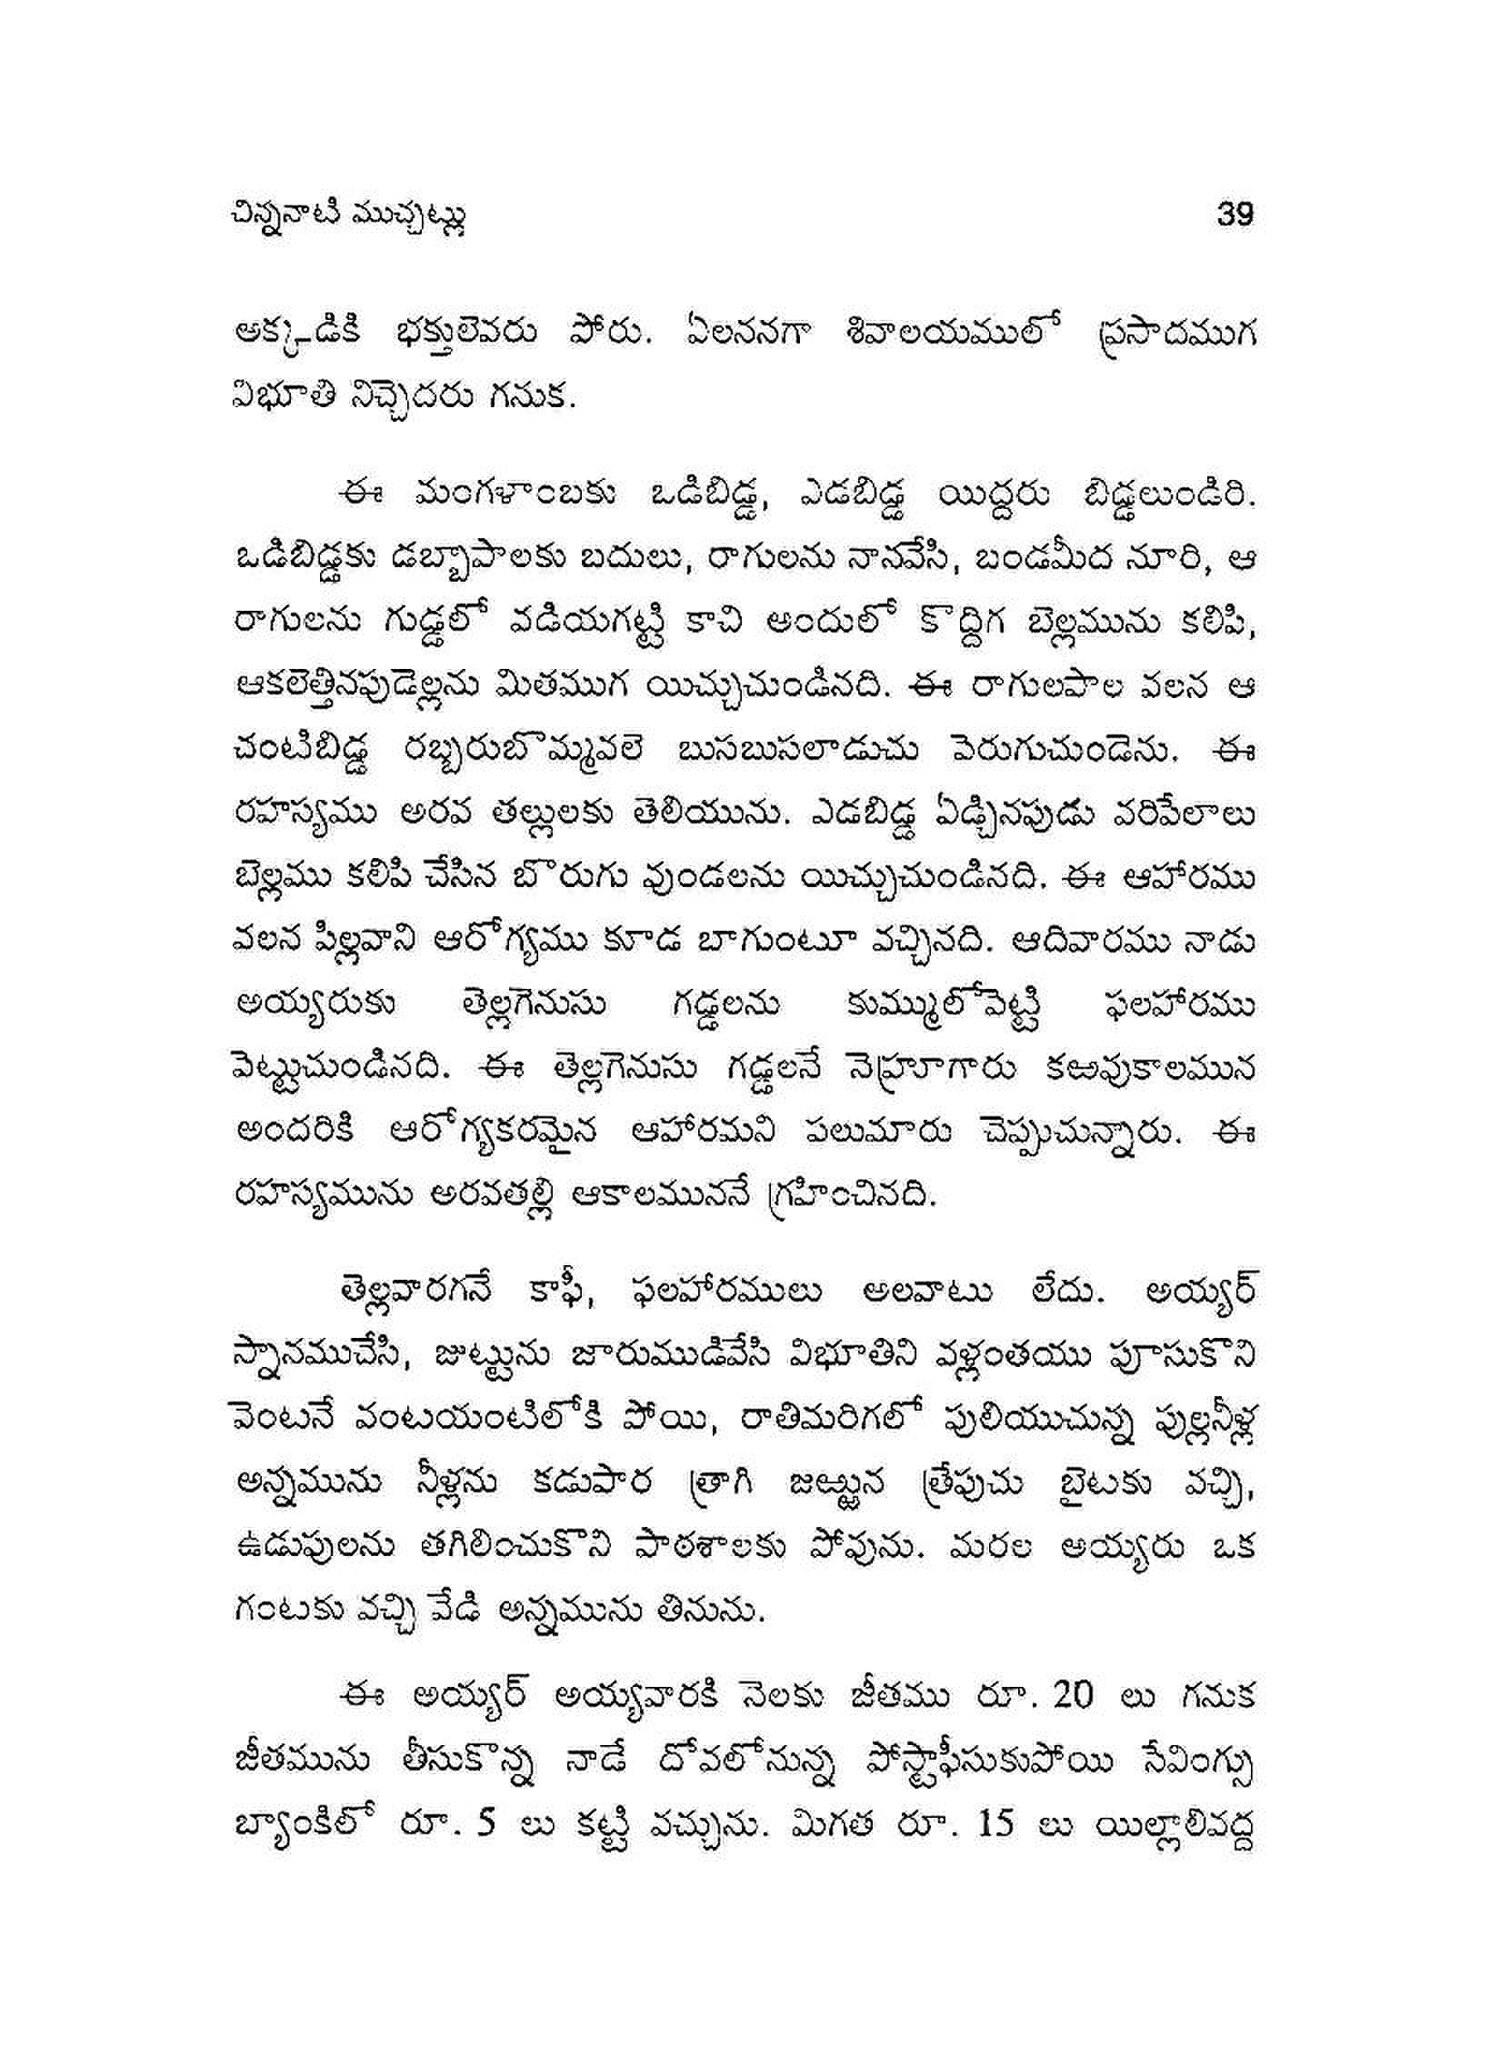అక్కడికి భక్తులెవరు పోరు. ఏలననగా శివాలయములో ప్రసాదముగ విభూతి నిచ్చెదరు గనుక.

ఈ మంగళాంబకు ఒడిబిడ్డ, ఎడబిడ్డ యిద్దరు బిడ్డలుండిరి. ఒడిబిడ్డకు డబ్బాపాలకు బదులు, రాగులను నానవేసి, బండమీద నూరి, ఆ రాగులను గుడ్డలో వడియగట్టి కాచి అందులో కొద్దిగ బెల్లమును కలిపి, ఆకలెత్తినపుడెల్లను మితముగ యిచ్చుచుండినది. ఈ రాగులపాల వలన ఆ చంటిబిడ్డ రబ్బరుబొమ్మవలె బసబుసలాడుచు పెరుగుచుండెను. ఈ రహస్యము అరవ తల్లులకు తెలియును. ఎడబిడ్డ ఏడ్చినపుడు వరిపేలాలు బెల్లము కలిపి చేసిన బొరుగు వుండలను యిచ్చుచుండినది. ఈ ఆహారము వలన పిల్లవాని ఆరోగ్యము కూడ బాగుంటూ వచ్చినది. ఆదివారము నాడు అయ్యరుకు తెల్లగెనుసు గడ్డలను కుమ్మలో పెట్టి ఫలహారము పెట్టుచుండినది. ఈ తెల్లగెనుసు గడ్డలనే నెహ్రూగారు కఱవుకాలమున అందరికి ఆరోగ్యకరమైన ఆహారమని పలుమారు చెప్పచున్నారు. ఈ రహస్యమును అరవతల్లి ఆకాలముననే గ్రహించినది.

తెల్లవారగనే కాఫీ, ఫలహారములు అలవాటు లేదు. అయ్యరు స్నానముచేసి, జట్టును జారుముడివేసి విభూతిని వళ్లంతయు పూసుకొని వెంటనే వంటయంటిలోకి పోయి, రాతిమరిగలో పులియుచున్న పుల్లనీళ్ల అన్నమును నీళ్లను కడుపార త్రాగి జఱ్ఱున త్రేపుచు బైటకు వచ్చి, ఉడుపులను తగిలించుకొని పాఠశాలకు పోవును. మరల అయ్యరు ఒక గంటకు వచ్చి వేడి అన్నమును తినును.

ఈ అయ్యర్ అయ్యవారకి నెలకు జీతము రూ. 20 లు గనుక జీతమును తీసుకొన్న నాడే దోవలోనున్న పోస్టాఫీసుకుపోయి సేవింగ్సు బ్యాంకిలో రూ.5 లు కట్టి వచ్చును. మిగత రూ. 15 లు యిల్లాలివద్ద